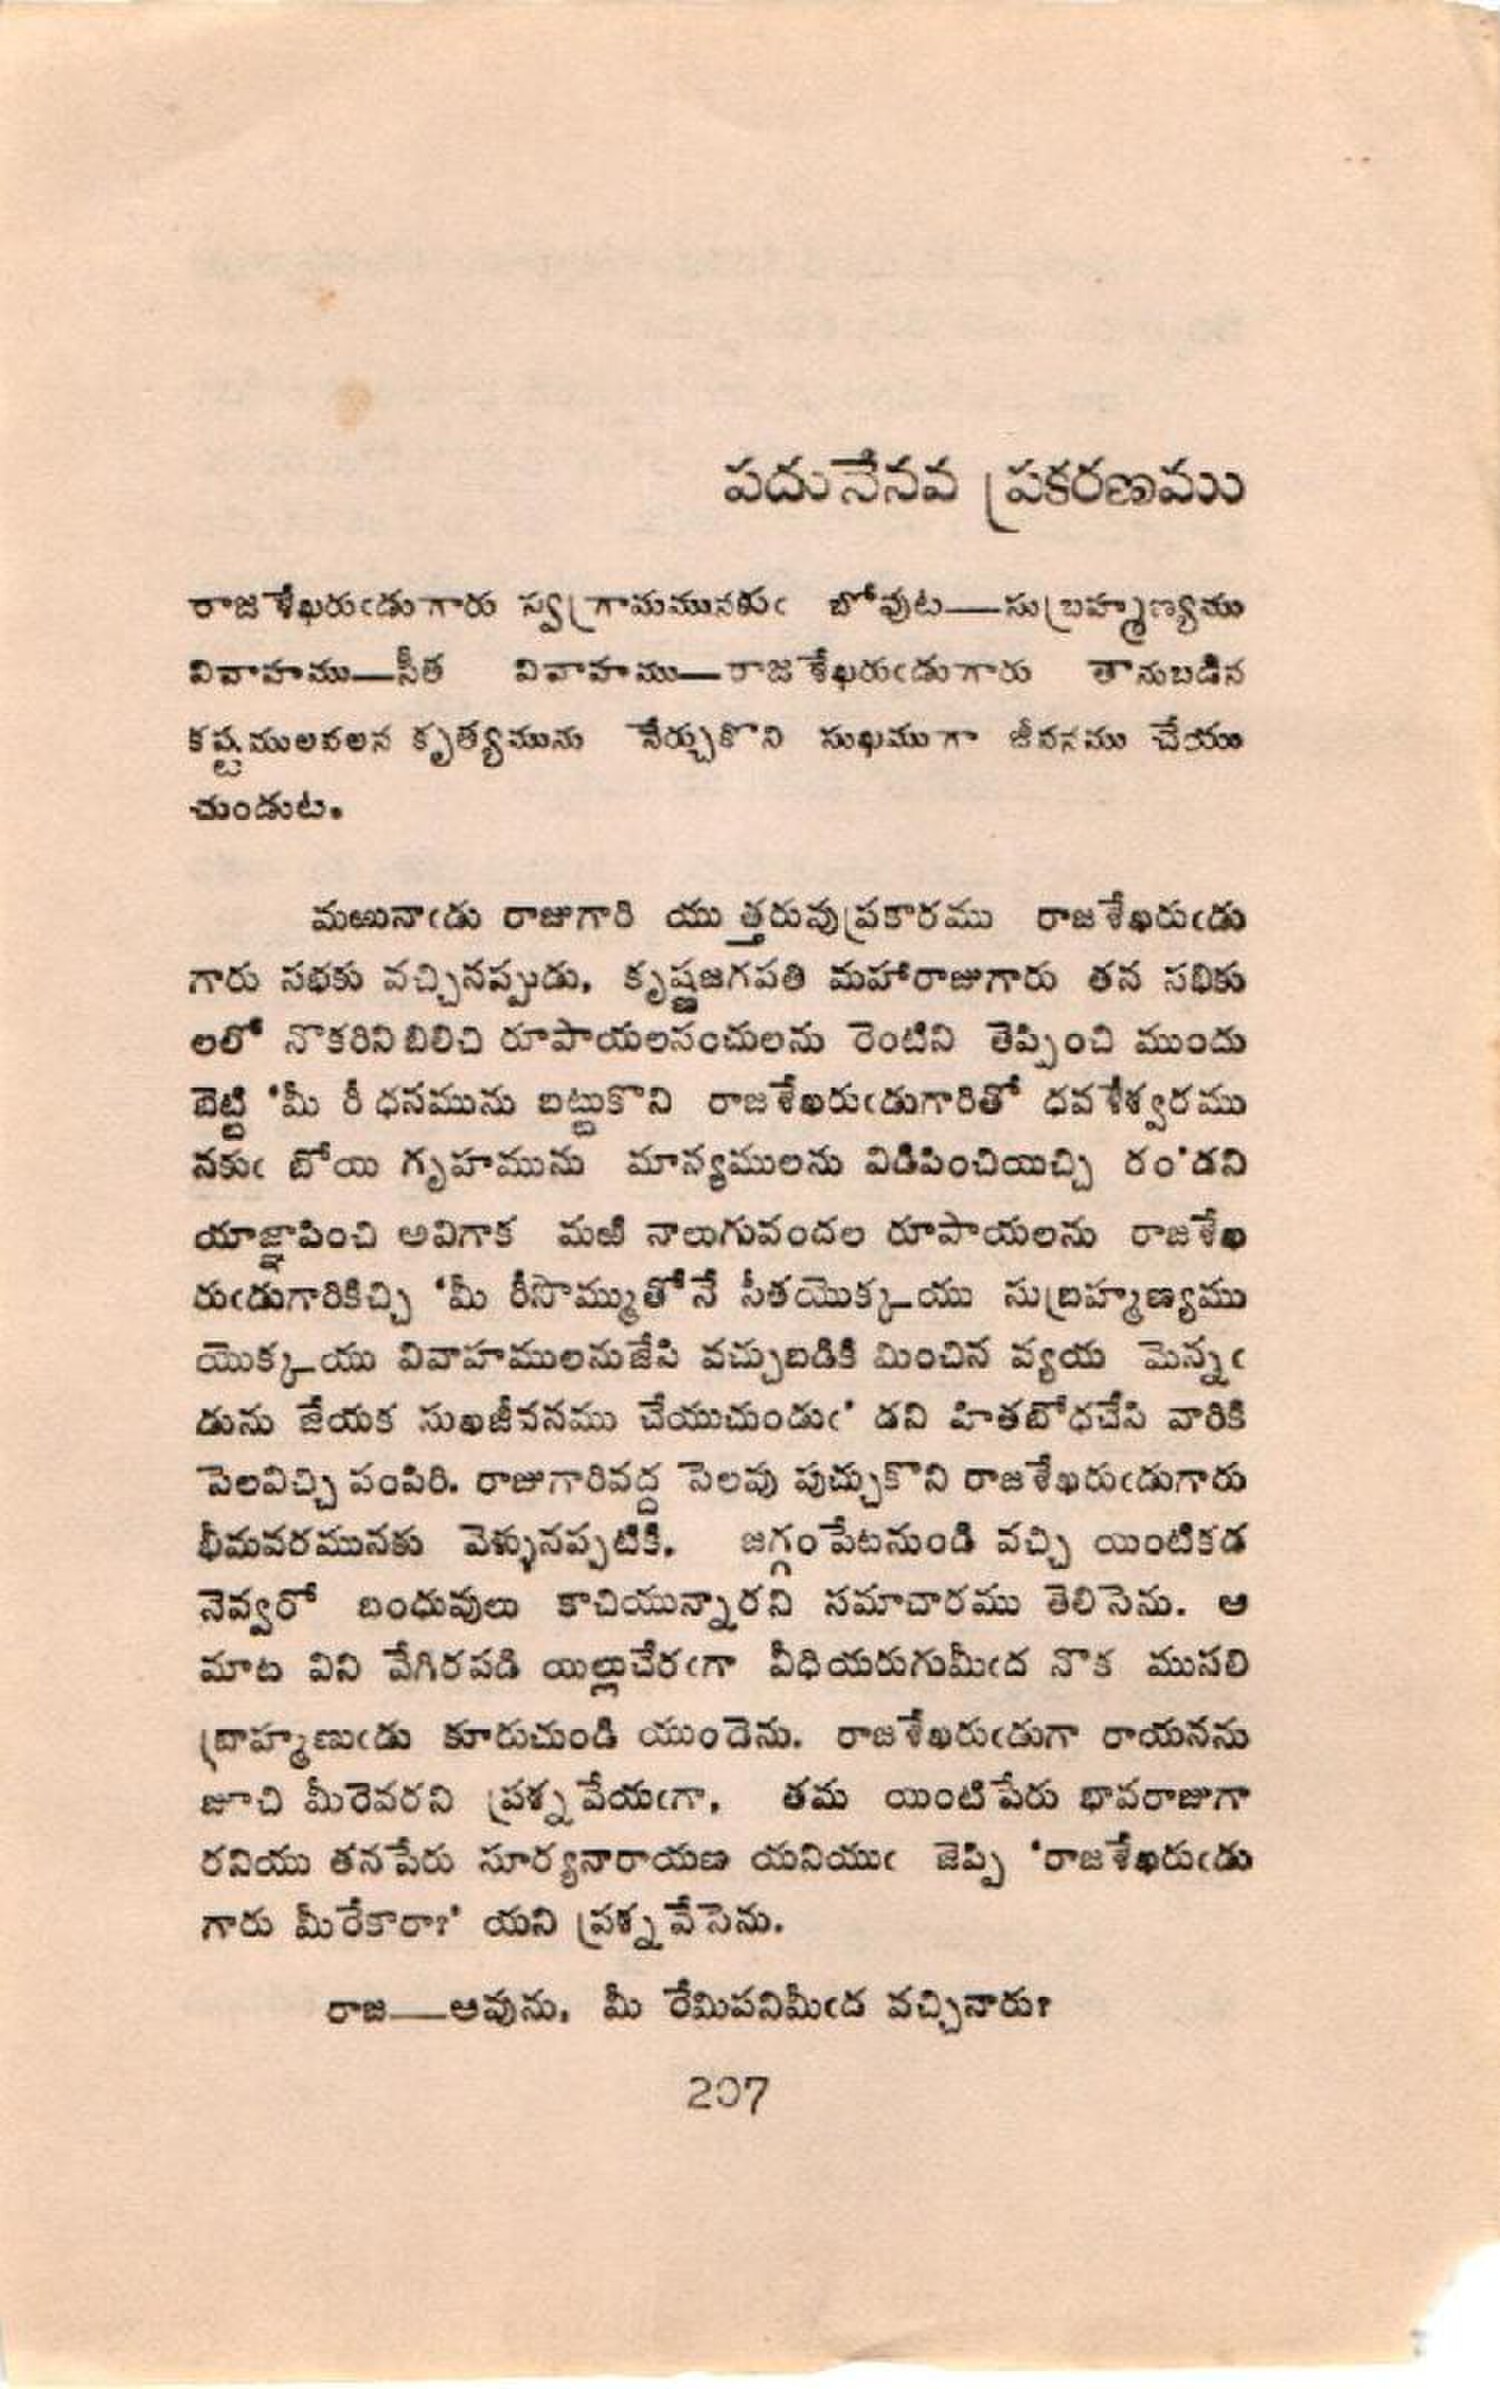పదునేనవ ప్రకరణము

మఱునాఁడు రాజుగారి యుత్తరువుప్రకారము రాజశేఖరుఁడు గారు సభకు వచ్చినప్పుడు, కృష్ణజగపతి మహారాజుగారు తన సభికులలో నొకరిని బిలిచి రూపాయలసంచులను రెంటిని తెప్పించి ముందు బెట్టి 'మీ రీ ధనమును బట్టుకొని రాజశేఖరుఁడుగారితో ధవళేశ్వరమునకుఁ బోయి గృహమును మాన్యములను విడిపించియిచ్చి ర'డని యాజ్ఞాపించి అవిగాక మఱి నాలుగువందల రూపాయలను రాజశేఖ యఁడుగారికిచ్చి 'మీ రీసొమ్ముతోనే సీతయొక్కయు సుబ్రహ్మణ్యము యొక్కయు వివాహములనుజేసి వచ్చుబడికి మించిన వ్యయ మెన్నఁడును జేయక సుఖజీవనము చేయుచుండుఁ' డని హితబోధచేసి వారికి సెలవిచ్చి పంపిరి. రాజుగారివద్ద సెలవు పుచ్చుకొని రాజశేఖరుడుగారు భీమవరమునకు వెళ్ళునప్పటికి, జగ్గంపేటనుండి వచ్చి యింటికడ నెవ్వరో బంధువులు కాచియున్నారని సమాచారము తెలిసెను. ఆ మాట విని వేగిరపడి యిల్లు చేరఁగా వీధియరుగుమీఁద నొక ముసలి బ్రాహ్మణుఁడు కూరుచుండి యుండెను. రాజశేఖరుఁడుగా రాయనను జూచి మీరెవరని ప్రశ్నవేయఁగా, తమ యింటిపేరు భావరాజుగా రనియు తనపేరు సూర్యనారాయణ యనియు జెప్పి 'రాజశేఖరుఁడు గారు మీరేకారా' యని ప్రశ్నవేసెను.

రాజ__అవును, మీ రేమిపనిమీఁద వచ్చినారు?